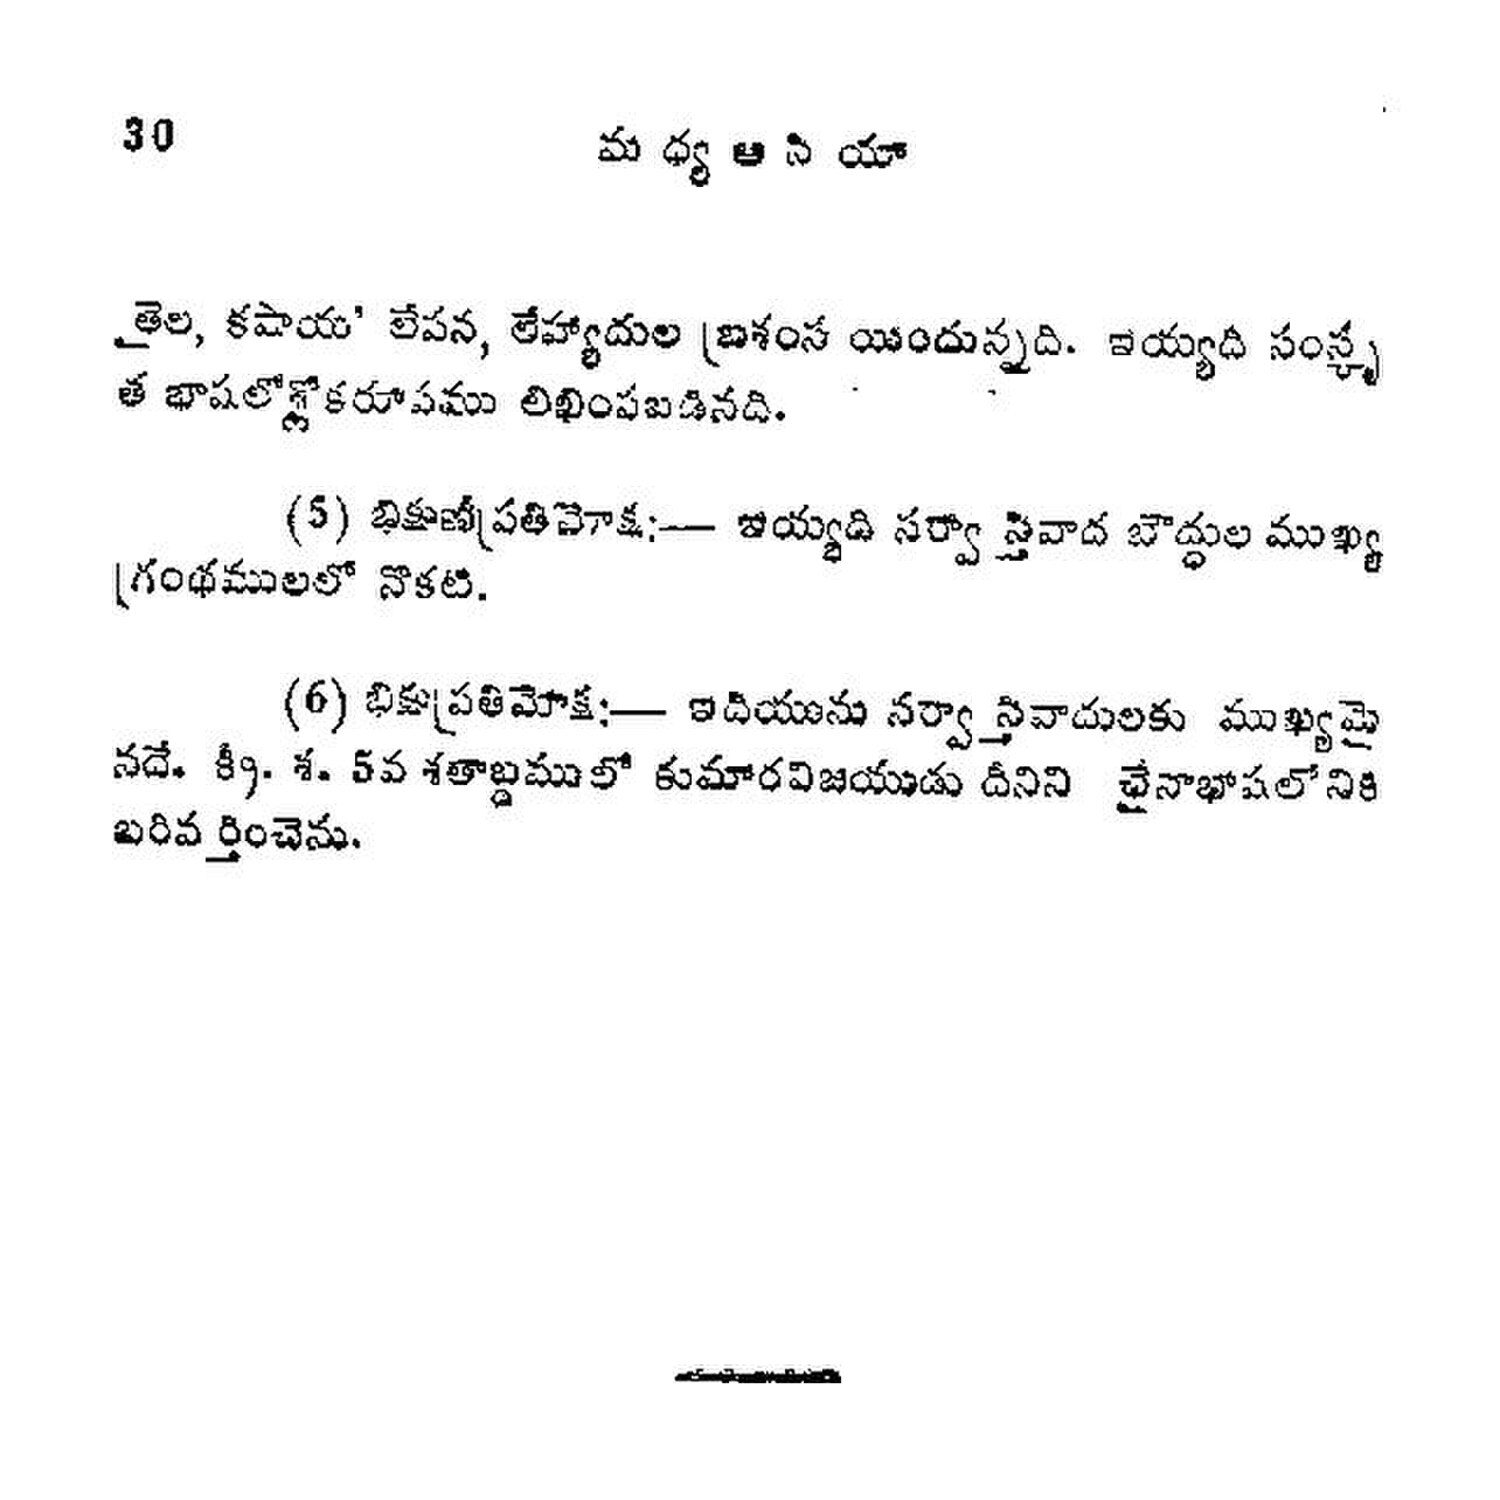తైల, కషాయ' లేపన, లేహ్యాదుల బ్రశంస యిందున్నది. ఇయ్యది సంస్కృత భాషలోశ్లోకరూపము లిఖింపబడినది.

(5) భిక్షుణీప్రతిమోక్ష :- ఇయ్యది సర్వాస్తివాద బౌద్దుల ముఖ్య గ్రంథములలో నొకటి.

(6) భిక్షుప్రతిమోక్ష :- ఇదియును సర్వాస్తివాదులకు ముఖ్యమైనదే. క్రీ. శ. 5 వ శతాబ్దములో కుమారవిజయుడు దీనిని చైనాభాషలోనికి బరివర్తించెను.

________________